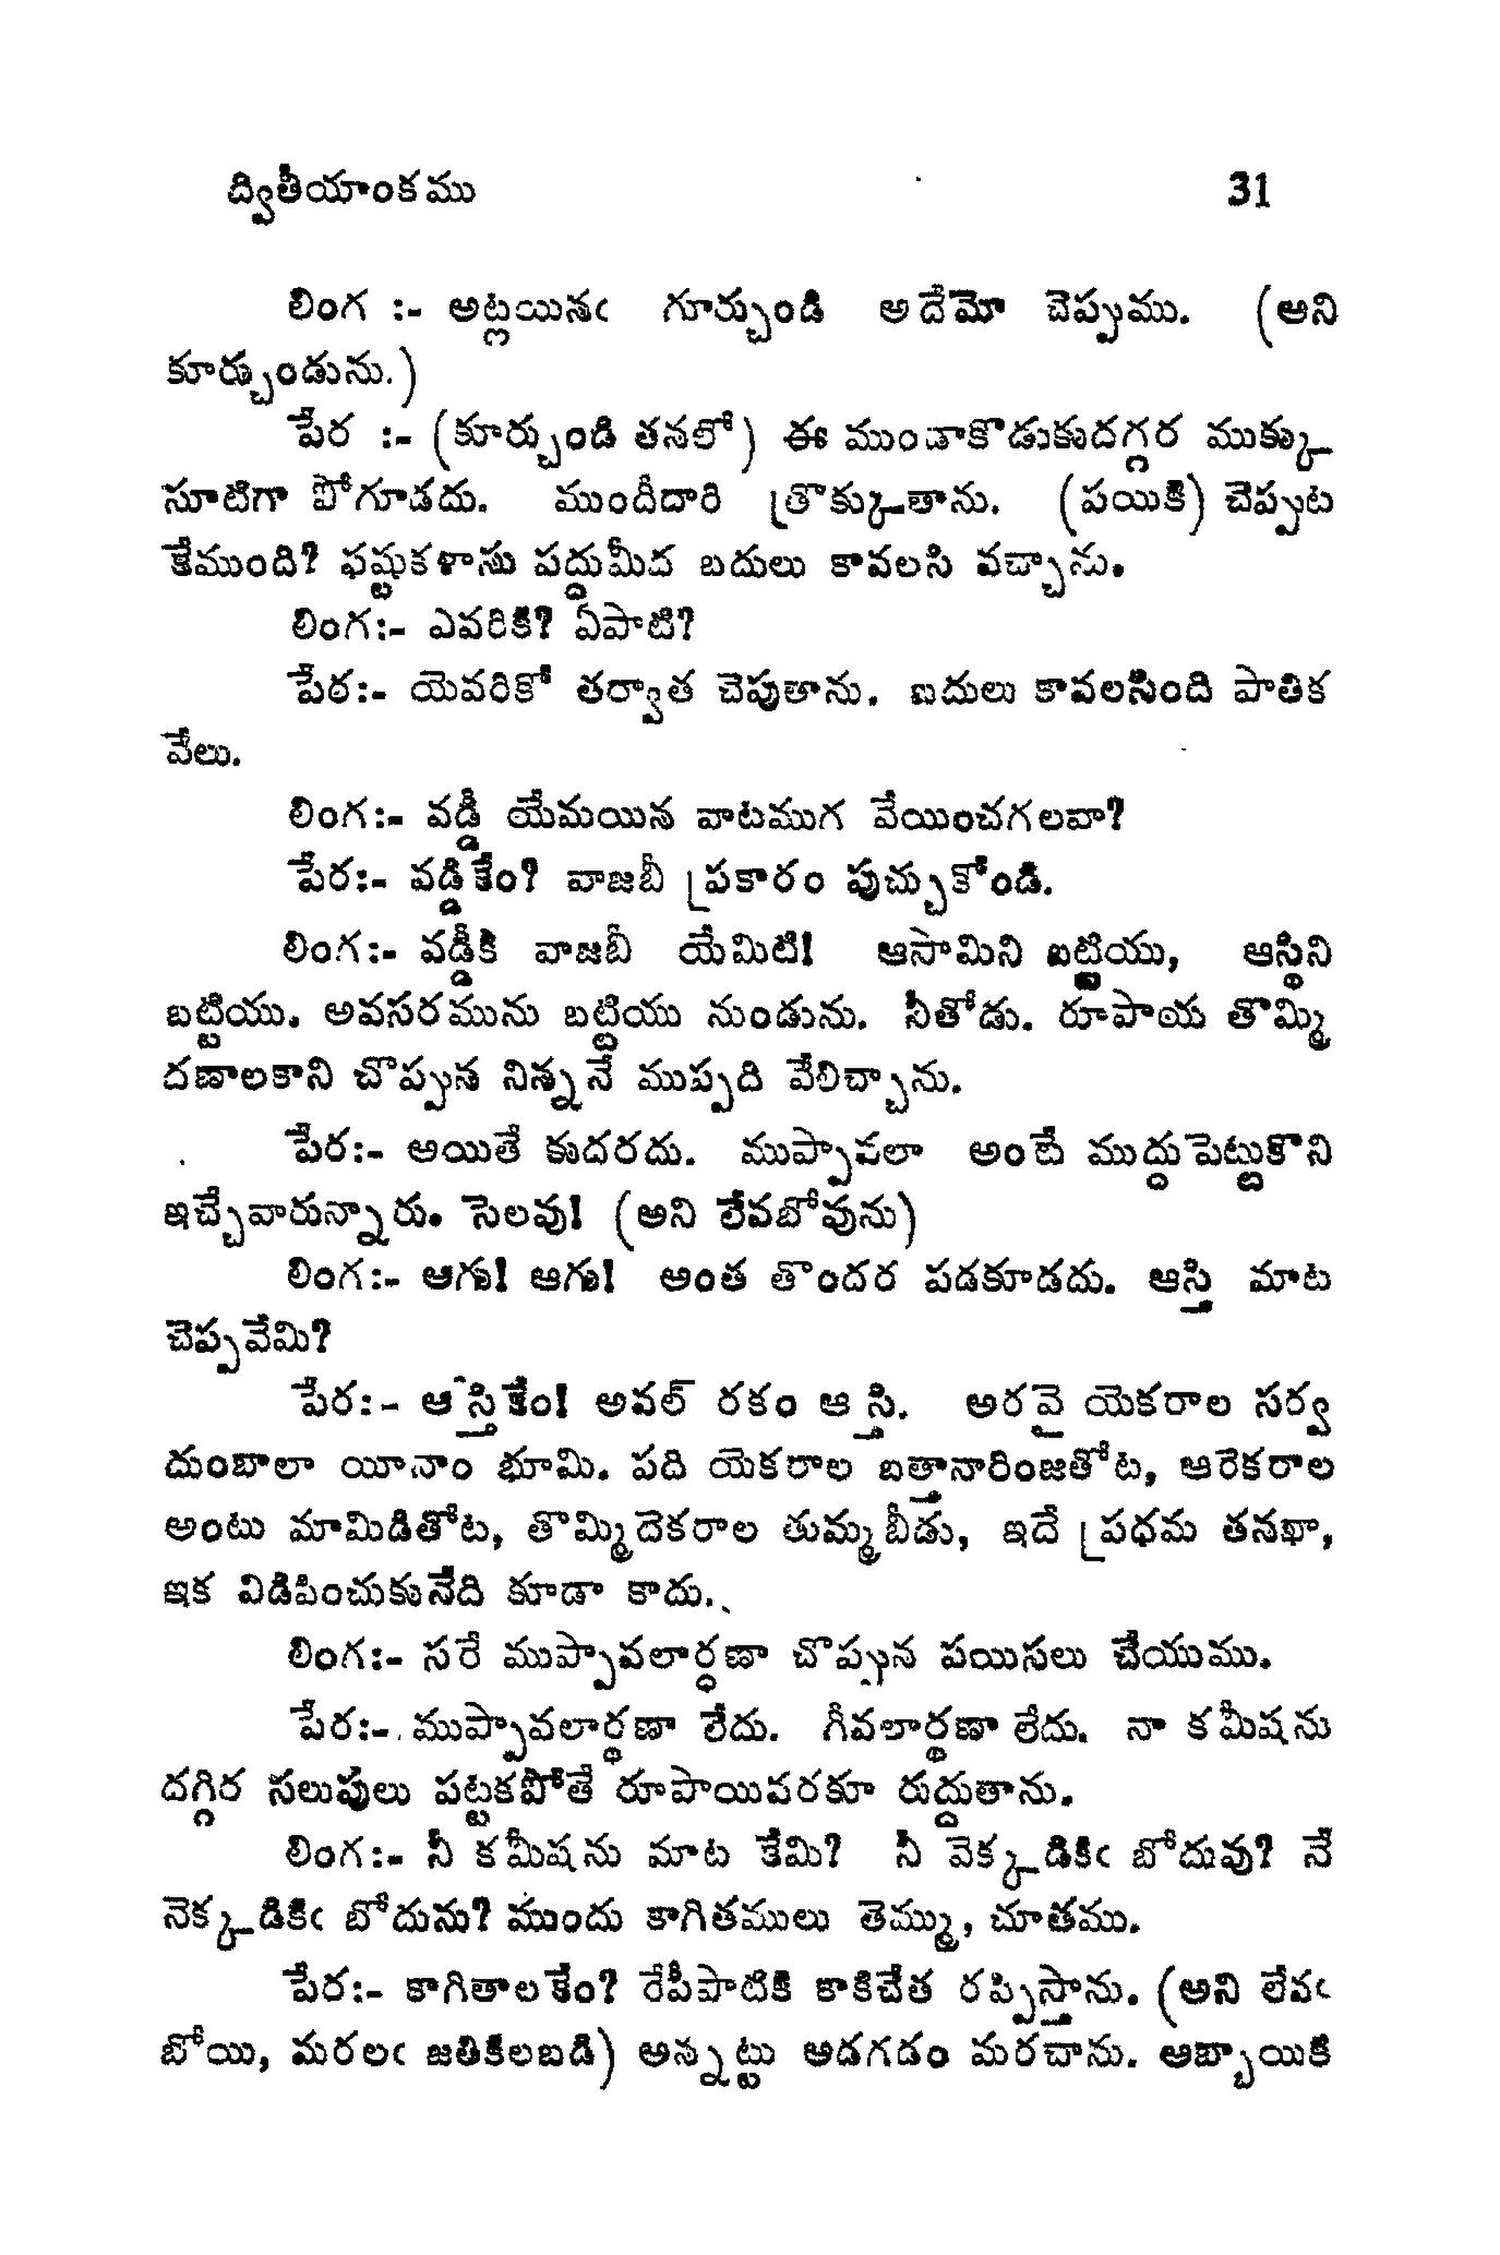లింగ :- అట్లయినఁ గూర్చుండి అదేమో చెప్పుము. (అని కూర్చుండును.)

పేర :- (కూర్చుండి తనలో) ఈ ముండాకొడుకుదగ్గర ముక్కు సూటిగా పోగూడదు. ముందీదారి త్రొక్కుతాను. (పయికి) చెప్పుట కేముంది? పష్టుకళాసు పద్దుమీద బదులు కావలసి వచ్చాను.

లింగ :- ఎవరికి? ఏపాటి?

పేర :- ఎవరికో తర్వాత చెపుతాను. బదులు కావలసింది పాతిక వేలు.

లింగ :- వడ్డీ యేమయిన వాటముగ వేయించఁగలవా?

పేర :- వడ్డీకేం? వాజిబీ ప్రకారం పుచ్చుకోండి.

లింగ :- వడ్డీకి వాజిబీ యేమిటి! ఆసామిని బట్టియు, ఆస్తిని బట్టియు, అవసరమును బట్టియు నుండును. నీతోడు, రూపాయ తొమ్మిదణాలకాని చొప్పున నిన్ననే ముప్పది వేలిచ్చాను.

పేర :- అయితే కుదరదు. ముప్పావలా అంటే ముద్దుపెట్టుకుని ఇచ్చేవారున్నారు. సెలవు! (అని లేవబోవును.)

లింగ :- ఆగు! ఆగు! అంత తొందర పడకూడదు. ఆస్తిమాట చెప్పవేమి?

పే ర:- ఆస్తికేం! అవల్‌ రకం ఆస్తి. అరవై యెకరాల సర్వదుంబాలా యీనాంభూమి. పది యెకరాల బత్తానారింజతోట, ఆరెకరాల అంటు మామిడితోట, తొమ్మిదెకరాల తుమ్మబీడు, ఇదే ప్రథమ తనఖా. ఇక విడిపించుకునేది కూడా కాదు.

లింగ :- సరే ముప్పావలార్ధణా చొప్పున పయిసలు చేయుము.

పేర :- ముప్పావలార్ధణా లేదు గీవలార్ధణా లేదు. నా కమీషను దగ్గిర సలుపులు పట్టకపోతే రూపాయివరకూ రుద్దుతాను.

లింగ :- నీ కమీషను మాట కేమి? నీ వెక్కడికిఁ బోదువు? నే నెక్కడికిఁ బోదును? ముందు కాగితములు తెమ్ము, చూతము.

పేర :- కాగితాలకేం! రేపీపాటికి కాకిచేత రప్పిస్తాను, (అని లేవఁబోయి, మరలఁ జతికిలబడి) అన్నట్టు అడగడం మరచాను. అబ్బాయికి